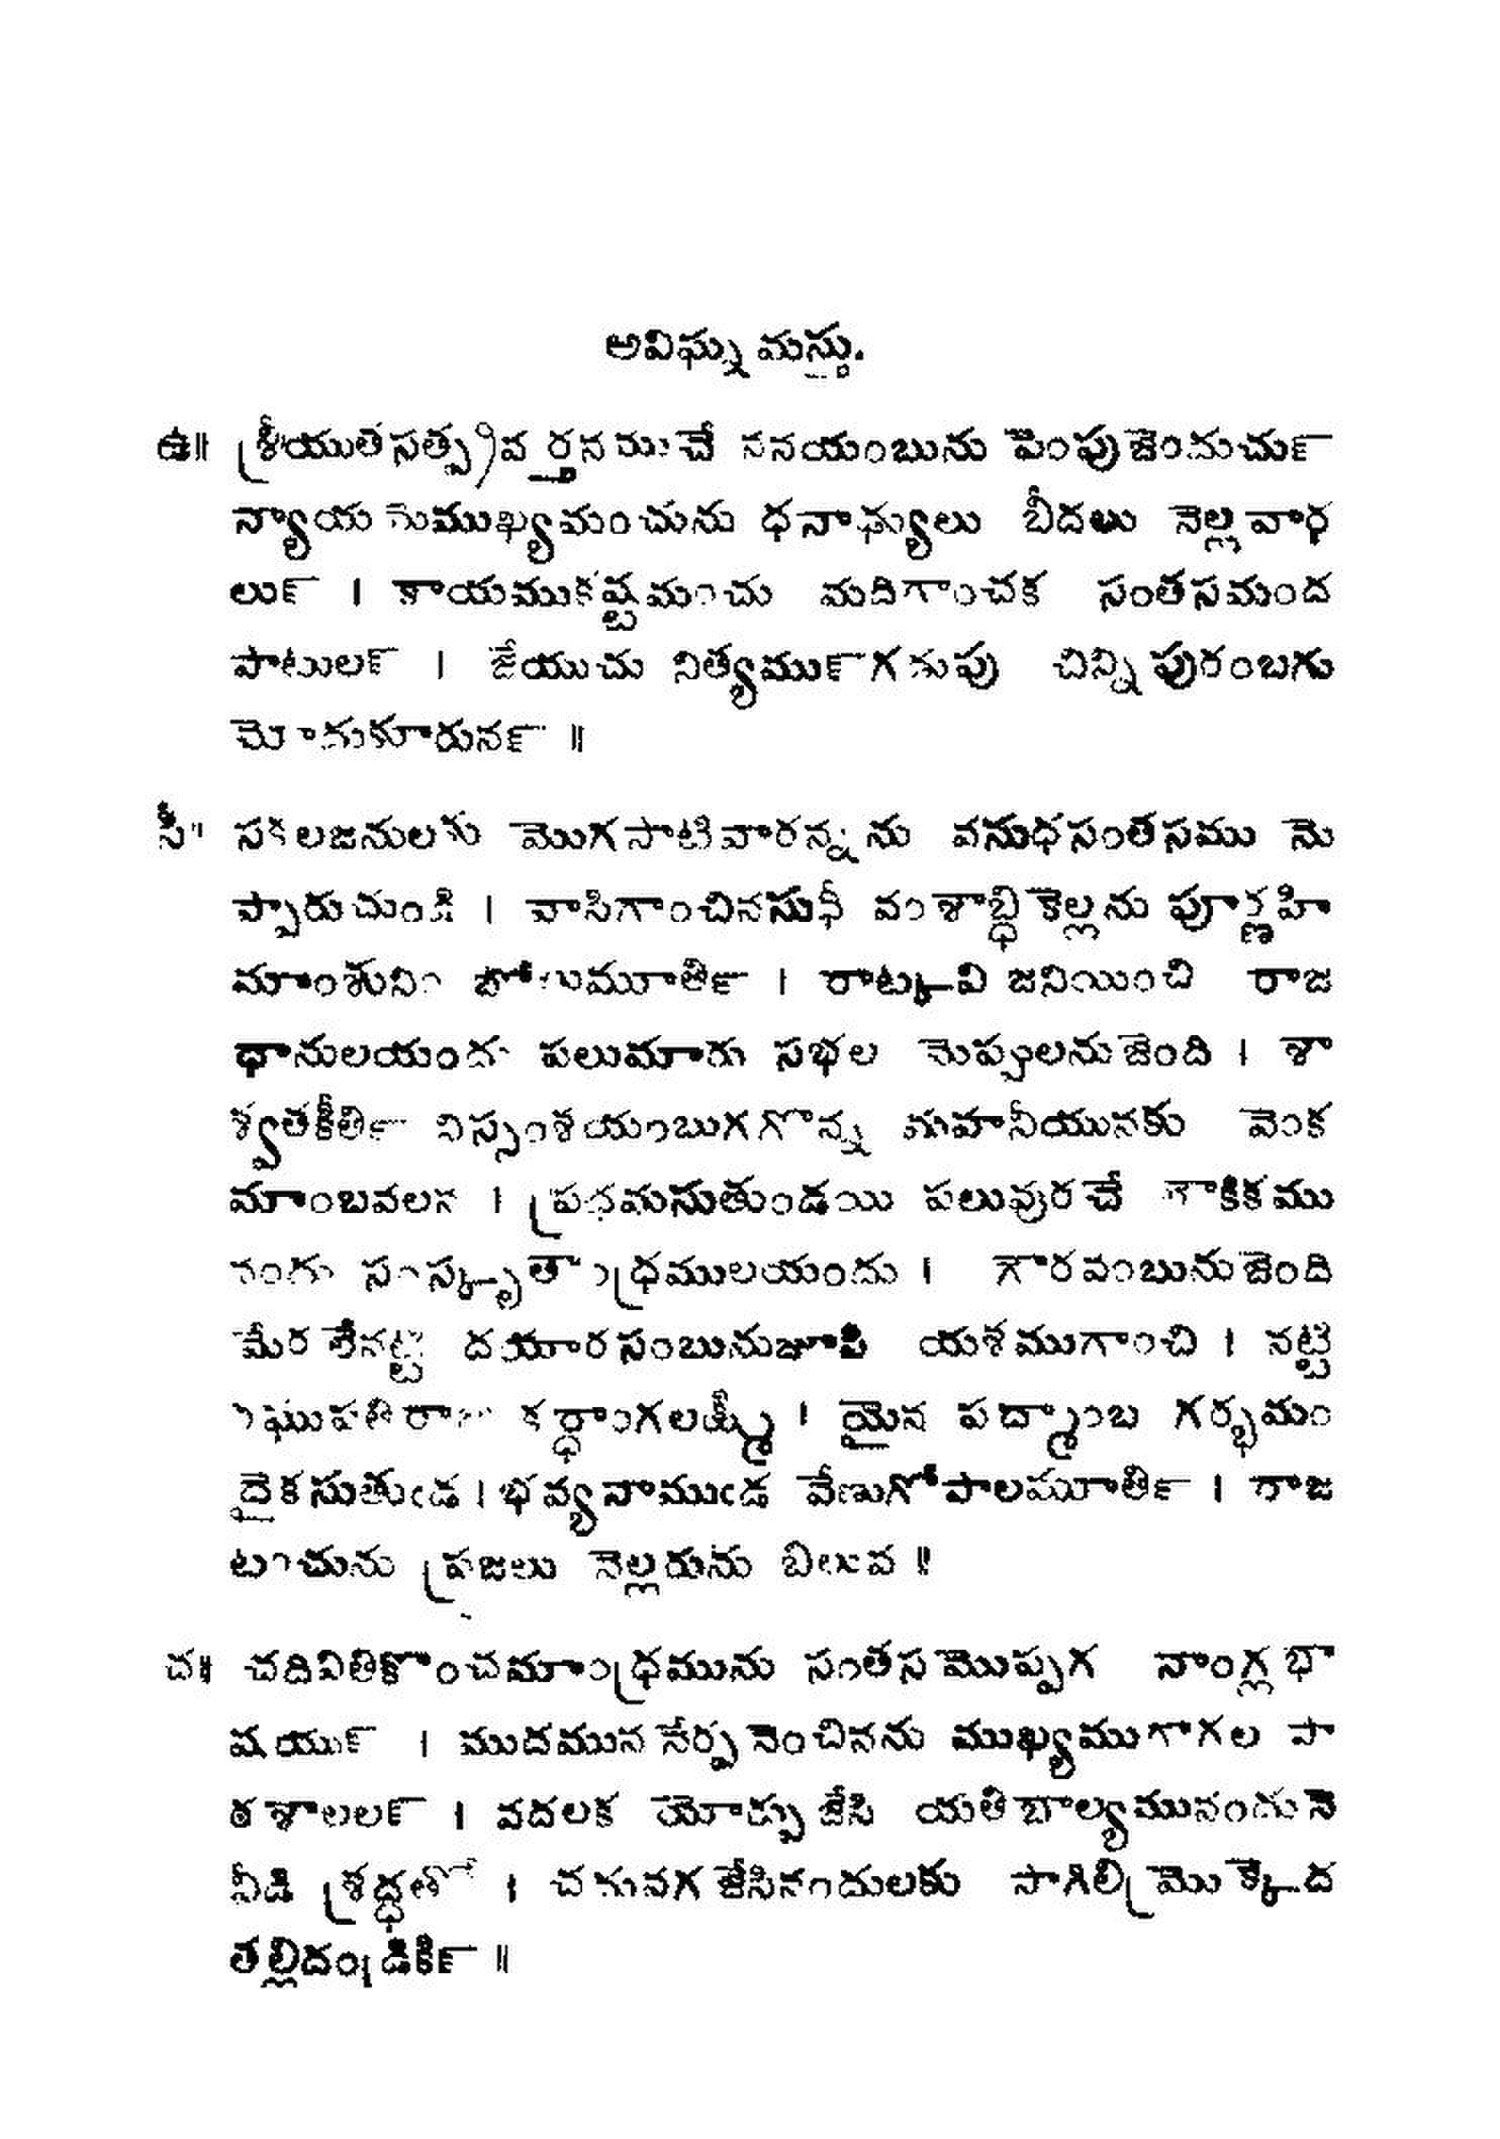ఉ!! శ్రీయుతసత్ప్రవర్తనముచే ననయంబును పెంపుజెందుచున్
 న్యాయమెముఖ్యమంచును ధనాఢ్యులు బీదలు నెల్ల వారలున్ ! 
 కాయముకష్టమంచు మదిగాంచక సంతసమందపాటులన్ ! 
 జేయుచు నిత్యమున్‌గడుపు చిన్ని పురంబగు మోదుకూరునన్ !!

సీ!! సకలజనులకు మొగసాటివారన్నను వసుధసంతసము నొప్పారుచుండి! 
 వాసిగాంచినసుధీ వంశాబ్ధికెల్లను పూర్ణహిమాంశునిం బోలుమూతిన్! 
 రాట్కవి జనియించి రాజధానులయందు పలుమారు సభల మెప్పులనుజెంది! 
 శాశ్వతకీతిన్ నిస్సంశయంబుగగొన్న మహనీయునకు వెంకమాంబవలన! 
 ప్రధమసుతుండయి పలువురచే లౌకికమునందు సంస్కృతాంధ్రములయందు! 
 గౌరవంబునుజెంది మేర లేనట్టి దయారసంబునుజూపి యశముగాంచి ! 
 నట్టి రఘుపతిరాజు కర్ధాంగలక్ష్మి ! యైన పద్మాంబ గర్భమందైకసుతుఁడ ! 
 భవ్య నాముఁడ వేణుగోపాలమూతిన్ ! రాజటంచును ప్రజలు నెల్లరును బిలువ !!

చ!! చదివితికొంచమాంధ్రమును సంతసమొప్పగ నాంగ్లభాషయున్! 
 ముదమున నేర్పనెంచినను ముఖ్యముగాగల పాఠశాలలన్! 
 వదలక యోర్పుజేసి యతిబాల్యమునందునె వీడి శ్రద్ధతో! 
 చదువగజేసినందులకు సాగిలిమ్రొక్కెద తల్లిదండ్రికిన్ !!